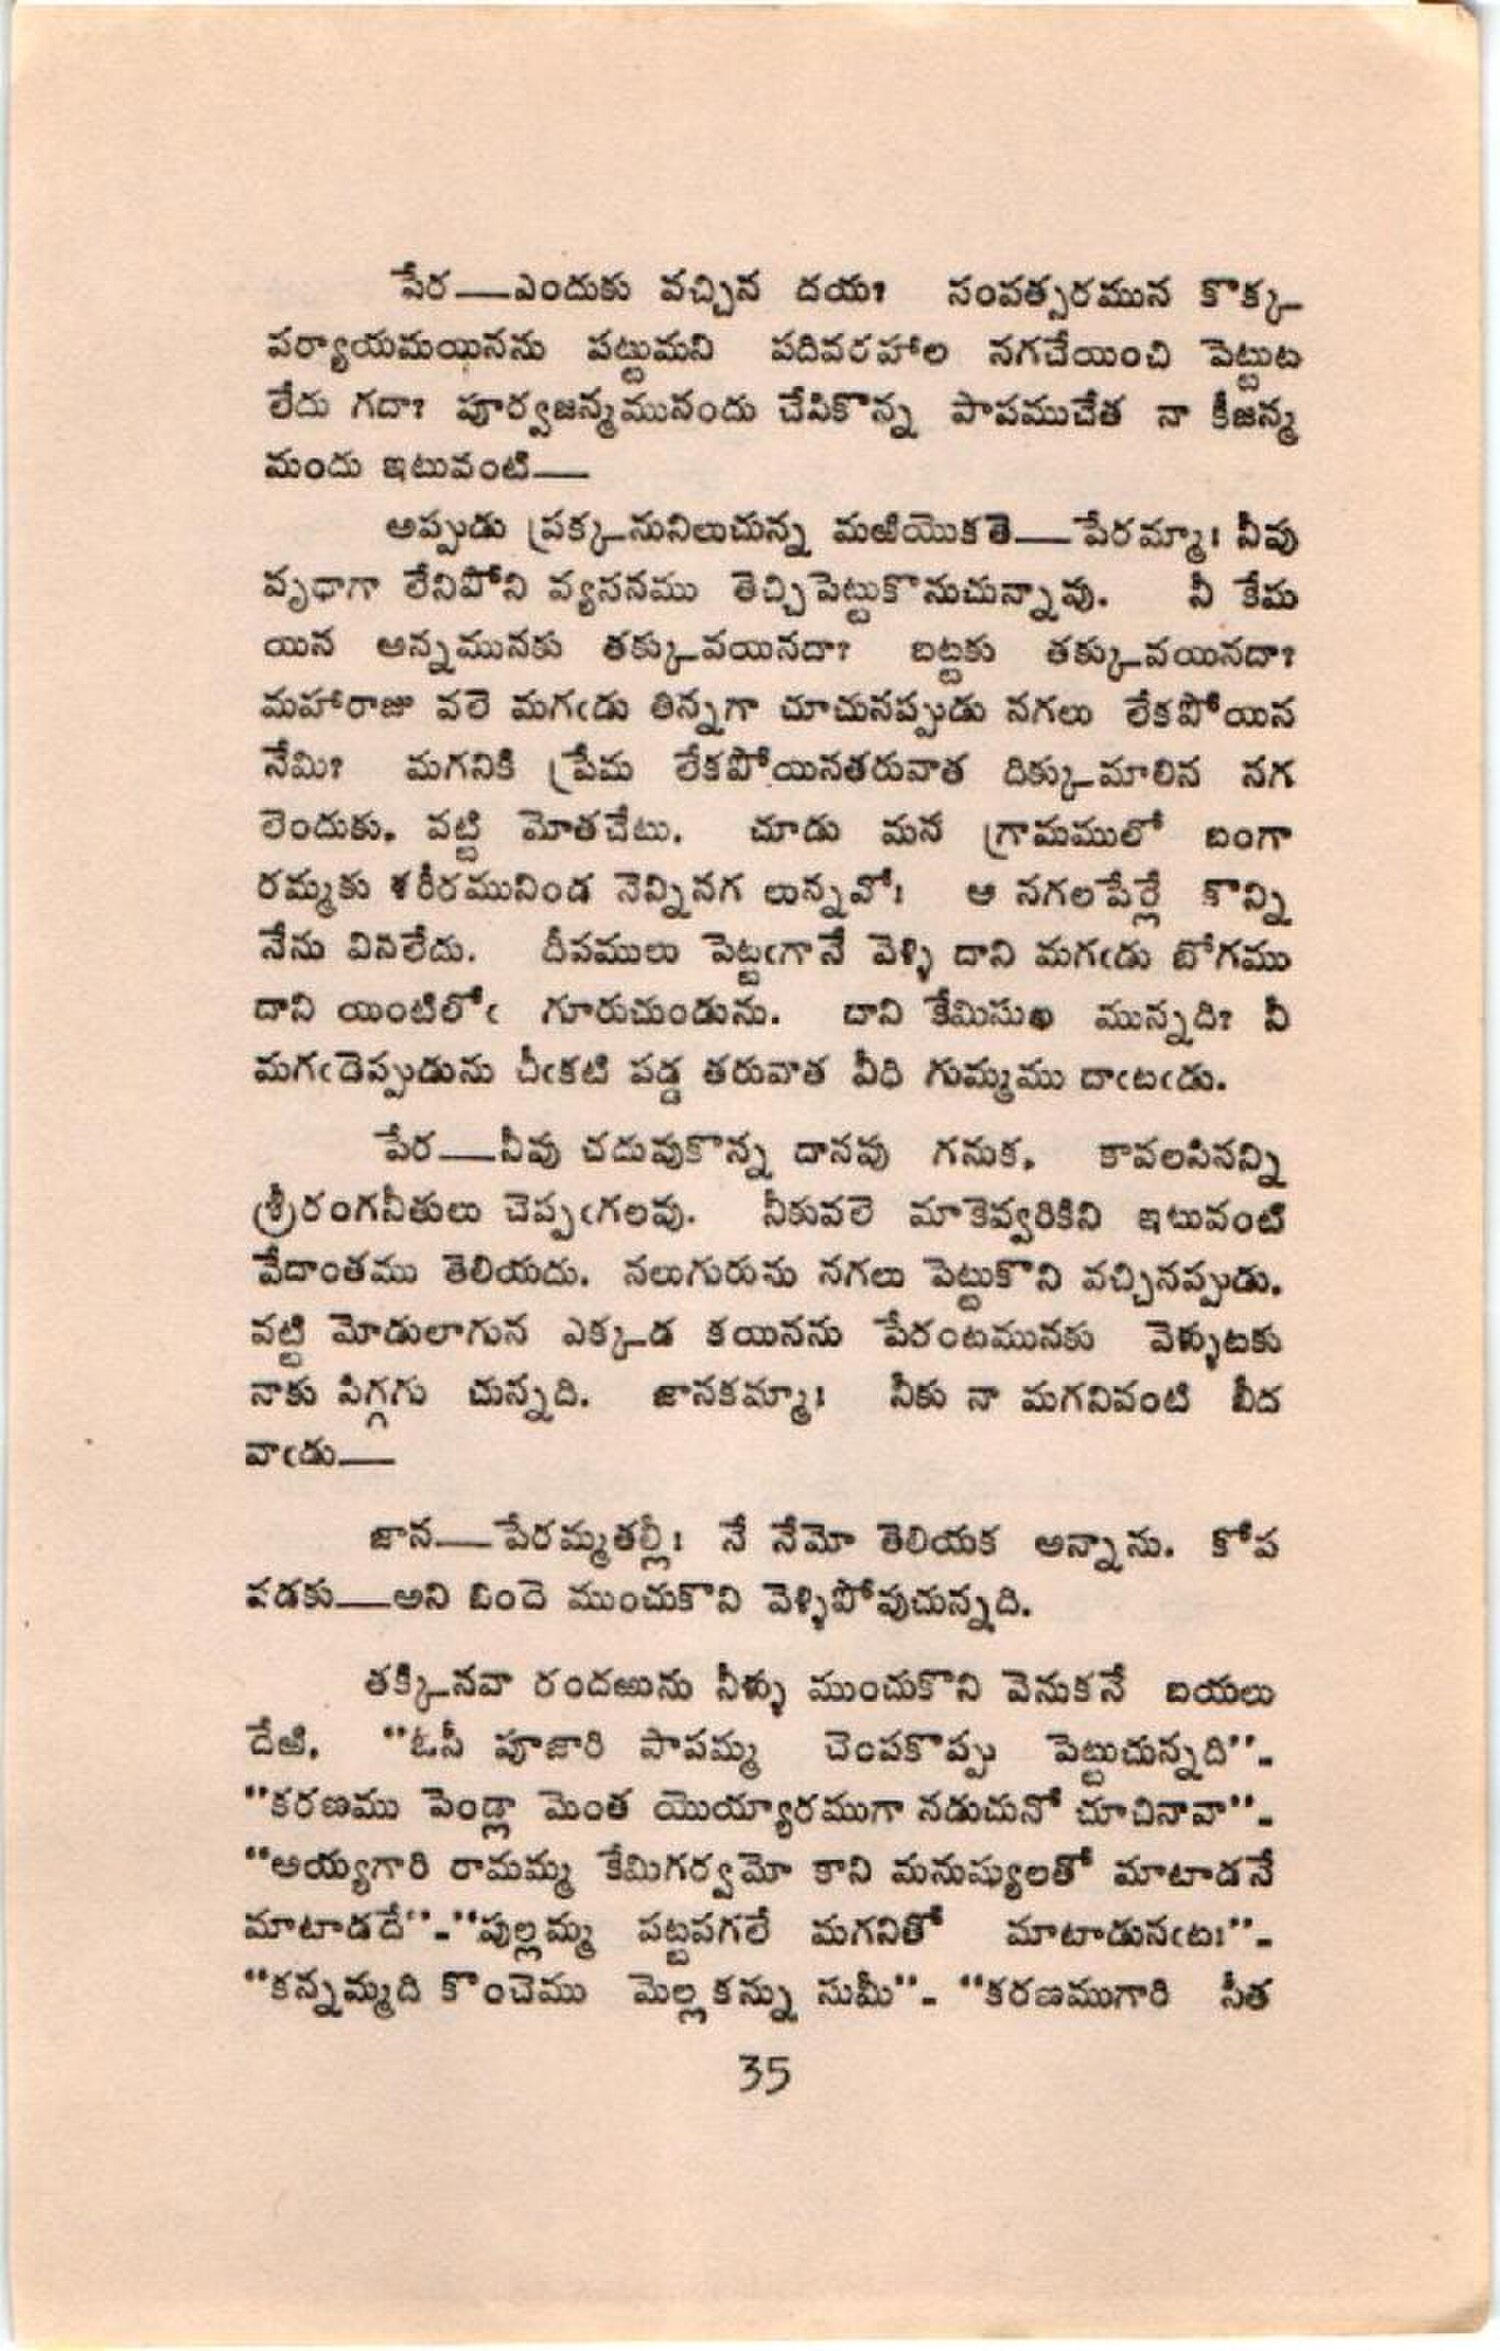పేర__ఎందుకు వచ్చిన దయ సంవత్సరమున కొక్కపర్యాయమయినను పట్టుమని పదివరహాల నగచేయించి పెట్టుట లేదు గదా? పూర్వజన్మమునందు చేసికొన్న పాపముచేత నా కీజన్మ మందు ఇటువంటి __

అప్పడు ప్రక్కనునిలుచున్న మఱియొకతె-పేరమ్మా! నీవు వృధాగా లేనిపోని వ్యసనము తెచ్చిపెట్టుకొనుచున్నావు. నీ కేమ యిన అన్నమునకు తక్కువయినదా? బట్టకు తక్కువయినదా? మహారాజు వలె మగఁడు తిన్నగా చూచునప్పడు నగలు లేకపోయిన నేమి? మగనికి ప్రేమ లేకపోయిన తరువాత దిక్కుమాలిన నగ లెందుకు, వట్టి మోతచేటు. చూడు మన గ్రామములో బంగా రమ్మకు శరీరమునిండ నెన్నినగ లున్నవో ఆ నగలపేర్లే కొన్ని నేను వినలేదు. దీపములు పెట్టఁగానే వెళ్ళి దాని మగఁడు బోగము దాని యింటిలోఁ గూరుచుండును. దాని కేమిసుఖ మున్నది? నీ మగండెప్పడును చీఁకటి పడ్డ తరువాత వీధి గుమ్మము దాఁటఁడు.

పేర__నీవు చదువుకొన్న దానవు గనుక, కావలసినన్ని శ్రీరంగనీతులు చెప్పఁగలవు. నీకువలె మాకెవ్వరికిని ఇటువంటి వేదాంతము తెలియదు. నలుగురును నగలు పెట్టుకొని వచ్చినప్పడు, వట్టి మోడులాగున ఎక్కడ కయినను పేరంటమునకు వెళ్ళుటకు నాకు సిగ్గగు చున్నది. జానకమ్మా! నీకు నా మగనివంటి బీదవాడు____

జాన__పేరమ్మతల్లీ నే నేమో తెలియక అన్నాను. కోప పడకు __ అని బిందె ముంచుకుని వెళ్ళిపోవుచున్నది.

తక్కినవా రందఱును నీళ్ళు ముంచుకొని వెనుకనే బయలు దేఱి, "ఓసీ పూజారి పాపమ్మ చెంపకొప్పు పెట్టుచున్నది". "కరణము పెండ్లా మెంత యొయ్యారముగా నడుచునో చూచినావా". "అయ్యగారి రామమ్మ కేమిగర్వమో కాని మనుష్యులతో మాటాడనే మాటాడదే","పుల్లమ్మ పట్టపగలే మగనితో మాటాడునఁట". "కన్నమ్మది కొంచెము మెల్ల కన్ను సుమీ"_ "కరణముగారి సీత